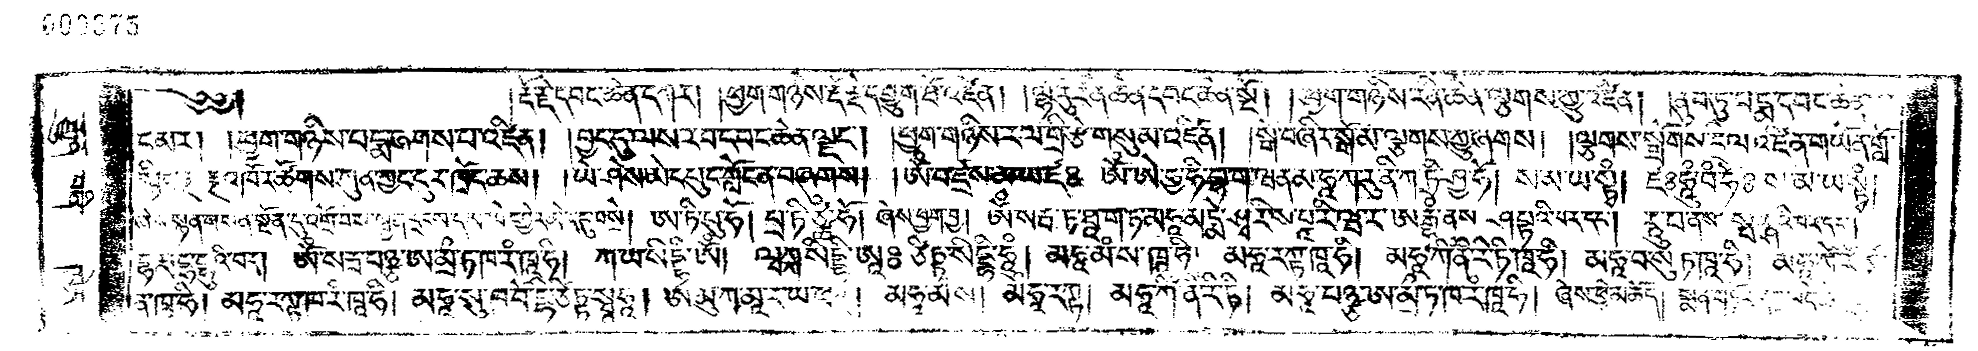༄༅། །རྡོ་རྗེ་དབང་ཆེན་དཀར། །ཕྱག་གཉིས་རྡོ་རྗེ་དབྱུག་ཐོ་འཛིན། །ལྷོ་རུ་རིན་ཆེན་དབང་ཆེན་སྔོ། །ཕྱག་གཉིས་རིན་ཆེན་ལྕགས་ཀྱུ་འཛིན། །ནུབ་ཏུ་པདམ་དབང་ཆེན་
དམར། །ཕྱག་གཉིས་པདམ་ཞགས་པ་འཛིན། །བྱང་དུ་ལས་རབ་དབང་ཆེན་ལྗང་། །ཕྱག་གཉིས་རལ་གྲི་རྩེ་གསུམ་འཛིན། །སྒོ་བཞིར་སྒོམ་ལྕགས་ཀྱུ་ཞགས། །ལྕགས་སྒྲོགས་དྲིལ་འཛིན་གཡོན་གློ་
སྙིང༑ ༑འཁོར་ཚོགས་ཀུན་ཀྱང་དུར་ཁྲོད་ཆས། །ཡེ་ཤེས་མེ་དཔུང་ཀློང་ན་བཞུགས། །ཨོཾ་བཛྲ་ས་མ་ཡ་ཛཿ ཨོཾ་ཨེ་ཧྱ་ཧི་བྷ་ག་ཝན་མ་ཧཱ་ཀ་རུ་ནི་ཀ་ཏྲི་ཤྱ་ཧོ། ས་མ་ཡ་སྟྭཾ། ཛཿ ཧཱུཾ་བཾ་ཧོཿ ས་མ་ཡ་སྟྭཾ།
ཞེས་སྙན་གསན་སྔོན་དུ་འགྲོ་བས་སྤྱན་དྲངས་དམ་ཡེ་དབྱེར་མེད་དུ་བསྲེ།  ཨ་ཏི་པུ་ཧོ། པྲ་ཏི་ཙྪ་ཧོ། ཞེས་ཕྱག་བྱ།  ཨོཾ་སརྦ་ཏ་ཐཱ་ག་ཏ་མཧཱ་མདམེ་ཤྭ་རི་ས་པཱ་རི་ཝ་ར་ཨརྒྷཾ་ནས་ཤཔྟའི་བར་དང་།  རཱུ་པ་ནས་སྤརྴའི་བར་དང་།
དྷརྨ་དྷ་དྷུའི་བར།  ཨོཾ་སརྦ་པཉྩ་ཨ་མྲྀ་ཏ་ཁ་རཾ་ཁཱ་ཧི། ཀ་ཡ་སིདྡྷི་ཨོཾ། ཝཀྐ་སིདྡྷི་ཨཱཿ ཙིཏྟ་སིདྡྷི་ཧཱུཾ། མཧཱ་མཾ་ས་ཁཱ་ཧི། མཧཱ་རཀྟ་ཁཱ་ཧི། མཧཱ་ཀི་ནི་རི་ཏི་ཁཱ་ཧི། མཧཱ་བ་སུ་ཏ་ཁཱ་ཧི། མཧཱ་ཀོ་རོ་ཙ་
ན་ཁཱ་ཧི། མཧཱ་རཀྟ་ཁ་རཾ་ཁཱ་ཧི། མཧཱ་སུ་ཁ་བོ་དྷི་ཙིཏྟ་སྭཱ་ཧཱ། ཨ་མུ་ཀ་མཱ་ར་ཡ་ཕཊ། མཧཱ་མ་ས། མཧཱ་རཀྟ། མཧཱ་ཀི་ནི་རི་ཏི། མཧཱ་པཉྩ་ཨ་མྲྀ་ཏ་ཁ་རཾ་ཁཱ་ཧི། ཞེས་ཕྱེ་མཆོད། སྨན་གཏོར་རཀྟ་བདེ་ཆེན་སྦྱོར་